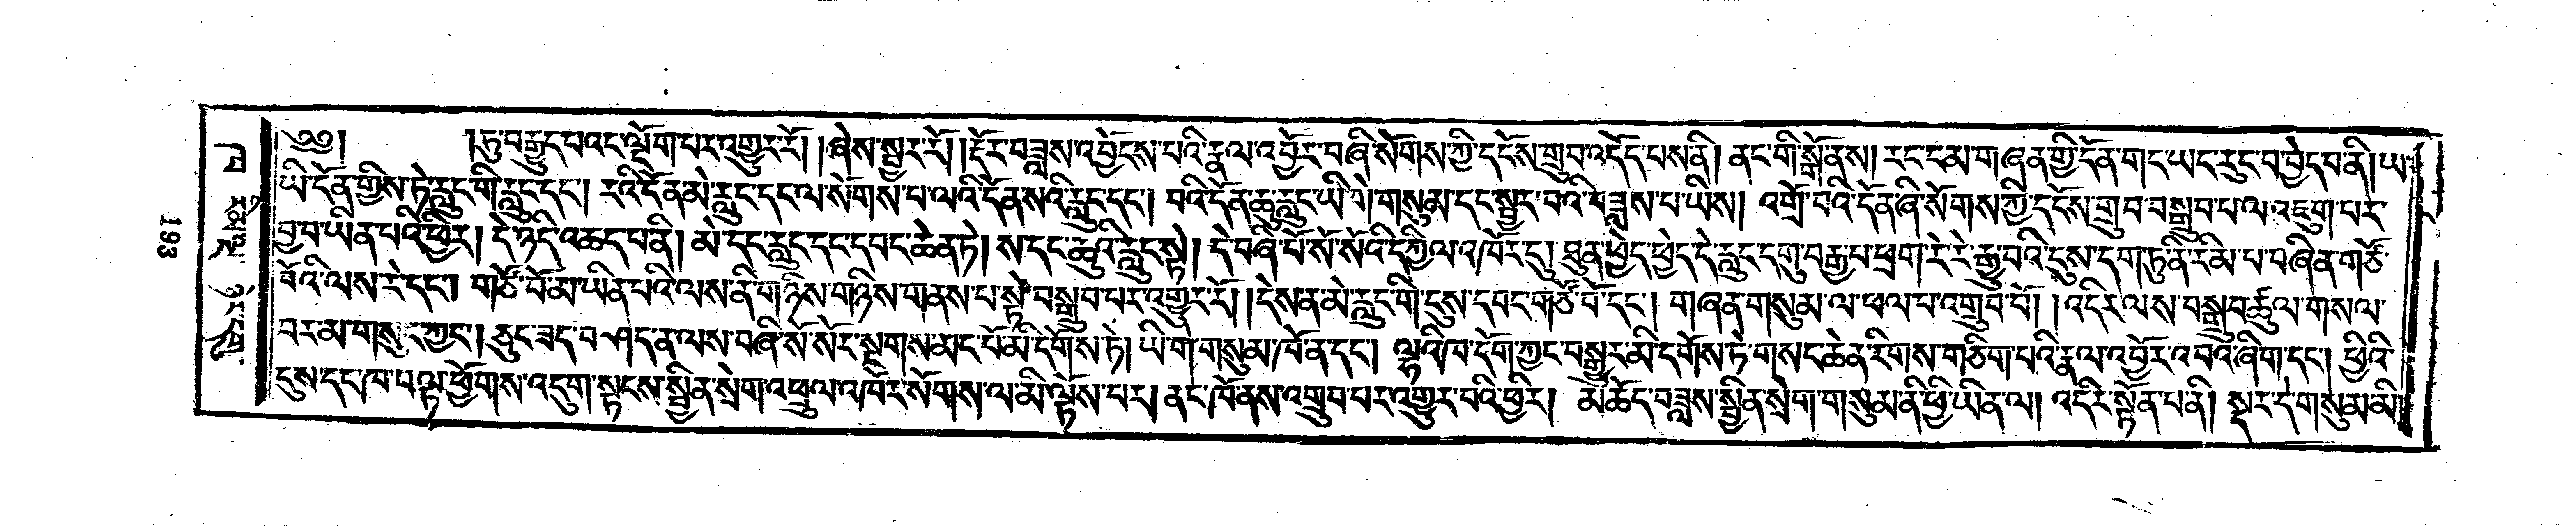༄༅། །ཏུ་བརྒྱུད་པའང་ལྡོག་པར་འགྱུར་རོ། །ཞེས་སྦྱར་རོ། །རྡོར་བཟླས་འབྱོངས་པའི་རྣལ་འབྱོར་པ་ཞི་སོགས་ཀྱི་དངོས་གྲུབ་འདོད་པས་ནི། ནང་གི་སྒོ་ནས། རང་ངམ་གཞན་གྱི་དོན་གང་ཡང་རུང་བ་བྱེད་པ་ནི། ཡ་
ཡི་དོན་གྱིས་ཏེ་རླུང་གི་རླུང་དང་། རའི་དོན་མེ་རླུང་དང་ལ་སོགས་པ་ལའི་དོན་སའི་རླུང་དང་། བའི་དོན་ཆུ་རླུང་ཡི་གེ་གསུམ་དང་སྦྱར་བའི་བཟླས་པ་ཡིས། འགྲོ་བའི་དོན་ཞི་སོགས་ཀྱི་དངོས་གྲུབ་བསྒྲུབ་པ་ལ་འཇུག་པར་
བྱ་བ་ཡིན་པའི་ཕྱིར། དེ་ཉིད་འཆད་པ་ནི། མེ་དང་རླུང་དང་དབང་ཆེན་ཏེ། ས་དང་ཆུའི་རླུང་སྟེ། དེ་བཞི་པོ་སོ་སོའི་དཀྱིལ་འཁོར་དུ། ཐུན་ཕྱེད་ཕྱེད་དེ་རླུང་དགུ་བརྒྱ་པ་ཕྲག་རེ་རེ་རྒྱུ་བའི་དུས་དག་ཏུ་ནི་རིམ་པ་བཞིན་གཙོ་
བོའི་ལས་རེ་དང་། གཙོ་བོ་མ་ཡིན་པའི་ལས་ནི་གཉིས་གཉིས་གནས་པ་སྟེ་བསྒྲུབ་པར་འགྱུར་རོ། །དེས་ན་མེ་རླུང་གི་དུས་དབང་གཙོ་བོ་དང་། གཞན་གསུམ་ལ་ཕལ་པ་འགྲུབ་བོ། །འདིར་ལས་བསྒྲུབ་ཚུལ་གསལ་
བར་མ་གསུང་ཀྱང་། ཅུང་ཟད་བཤད་ན་ལས་བཞི་སོ་སོར་སྔགས་མང་པོ་མི་དགོས་ཏེ། ཡི་གེ་གསུམ་ཁོ་ན་དང་། ལྷའི་ཁ་དོག་ཀྱང་བསྒྱུར་མི་དགོས་ཏེ་གསང་ཆེན་རིགས་གཅིག་པའི་རྣལ་འབྱོར་འབའ་ཞིག་དང་། ཕྱིའི་
དུས་དང་ཁ་བལྟ་ཕྱོགས་འདུག་སྟངས་སྦྱིན་སྲེག་འཕྲུལ་འཁོར་སོགས་ལ་མི་ལྟོས་པར། ནང་ཁོ་ནས་འགྲུབ་པར་འགྱུར་པའི་ཕྱིར། མཆོད་བཟླས་སྦྱིན་སྲེག་གསུམ་ནི་ཕྱི་ཡིན་ལ། འདིར་སྟོན་པ་ནི། སྔར་དེ་གསུམ་མི་